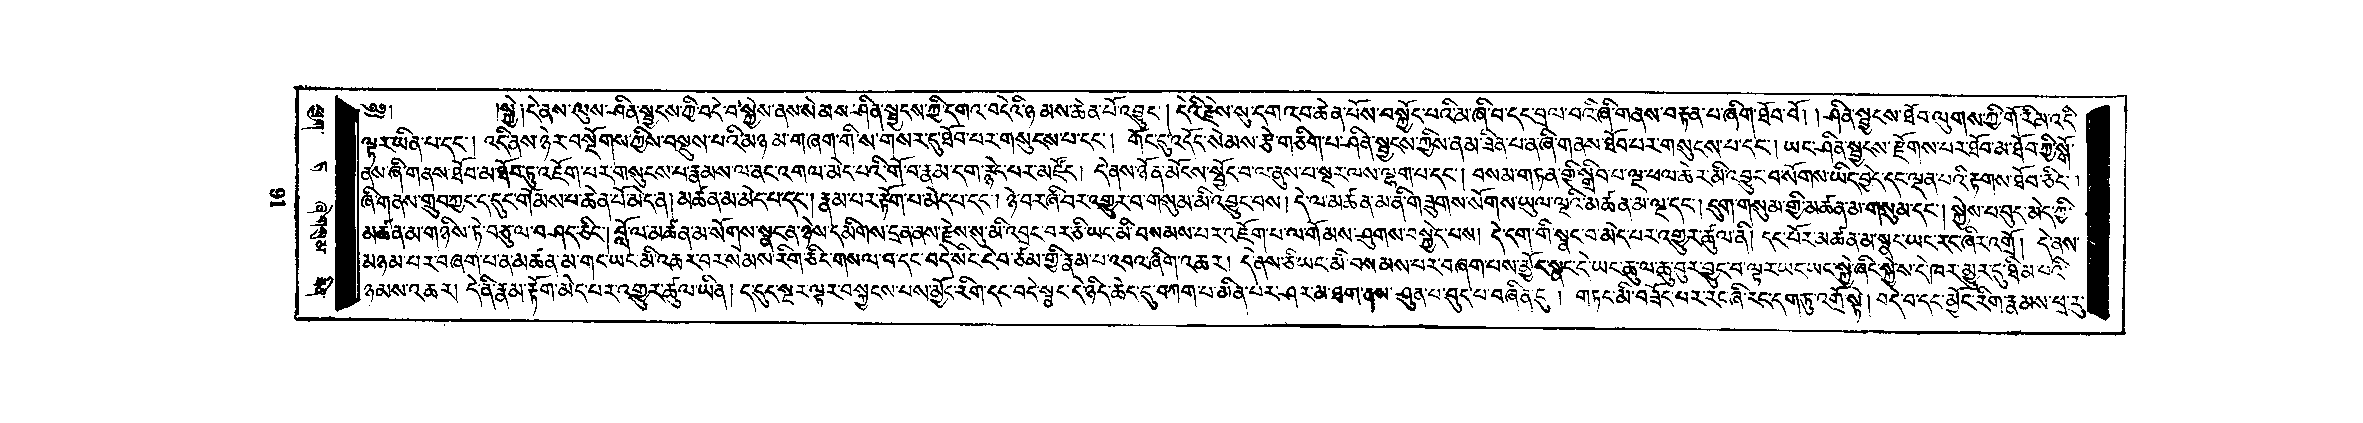༄༅། །སྐྱེ། དེ་ནས་ལུས་ཤིན་སྦྱངས་ཀྱི་བདེ་བ་སྐྱེས་ནས་སེམས་ཤིན་སྦྱངས་ཀྱི་དགའ་བདེའི་ཉམས་ཆེན་པོ་འབྱུང་། དེའི་རྗེས་སུ་དགའ་བ་ཆེན་པོས་བསྐྱོད་པའི་མ་ཞི་བ་དང་བྲལ་བའི་ཞི་གནས་བརྟན་པ་ཞིག་ཐོབ་བོ། །ཤིན་སྦྱངས་ཐོབ་ལུགས་ཀྱི་གོ་རིམ་འདི་
ལྟར་ཡིན་པ་དང་། འདི་ནས་ཉེར་བསྡོགས་ཀྱིས་བསྡུས་པའི་མཉམ་གཞག་གི་ས་གསར་དུ་ཐོབ་པར་གསུངས་པ་དང་། གོང་དུ་འདོད་སེམས་རྩེ་གཅིག་པ་ཤིན་སྦྱངས་ཀྱིས་ནམ་ཟིན་པ་ན་ཞི་གནས་ཐོབ་པར་གསུངས་པ་དང་། ཡང་ཤིན་སྦྱངས་རྫོགས་པར་ཐོབ་མ་ཐོབ་ཀྱི་སྒོ་
ནས་ཞི་གནས་ཐོབ་མ་ཐོབ་ཏུ་འཇོག་པར་གསུངས་པ་རྣམས་ལ་ནང་འགལ་མེད་པའི་གོ་བ་རྣམ་དག་རྙེད་པར་མཛོད། དེ་ནས་ཉོན་མོངས་སྦྱོང་བ་ལ་ནུས་པ་སྔར་ལས་ལྷག་པ་དང་། བསམ་གཏན་གྱི་སྒྲིབ་པ་ལྔ་ཕལ་ཆེར་མི་འབྱུང་བ་སོགས་ཡིད་བྱེད་དང་ལྡན་པའི་རྟགས་ཐོབ་ཅིང་།
ཞི་གནས་གྲུབ་ཀྱང་ད་དུང་གོམས་པ་ཆེན་པོ་མེད་ན། མཚན་མ་མེད་པ་དང་། རྣམ་པར་རྟོག་པ་མེད་པ་དང་། ཉེ་བར་ཞི་བར་འགྱུར་བ་གསུམ་མི་འབྱུང་བས། དེ་ལ་མཚན་མ་ནི་གཟུགས་སོགས་ཡུལ་ལྔའི་མཚན་མ་ལྔ་དང་། དུག་གསུམ་གྱི་མཚན་མ་གསུམ་དང་། སྐྱེས་པ་བུད་མེད་ཀྱི་
མཚན་མ་གཉིས་ཏེ་བཅུ་ལ་བཤད་ཅིང་། བློ་ལ་མཚན་མ་སོགས་སྣང་ན་ཉེས་དམིགས་དྲན་ནས་རྗེས་སུ་མི་འབྲང་བར་ཅི་ཡང་མི་བསམས་པར་འཇོག་པ་ལ་གོམས་ཤུགས་བསྐྱེད་པས། དེ་དག་གི་སྣང་བ་མེད་པར་འགྱུར་ཚུལ་ནི། དང་པོར་མཚན་མ་སྣང་ཡང་རང་ཞིར་འགྲོ་།དེ་ནས་
མཉམ་པར་བཞག་པ་ན་མཚན་མ་གང་ཡང་མི་འཆར་བར་སེམས་རིག་ཅིང་གསལ་བ་དང་བདེ་སིང་ངེ་བ་ཙམ་གྱི་རྣམ་པ་འབའ་ཞིག་འཆར། དེ་ནས་ཅི་ཡང་མི་བསམས་པར་བཞག་པས་མྱོང་སྣང་དེ་ཡང་ཆུ་ལ་ཆུ་བུར་བྱུང་བ་ལྟར་ཡང་ཡང་སྐྱེ་ཞིང་སྐྱེ་ས་དེ་ཁར་མྱུར་དུ་ཐིམ་པའི་
ཉམས་འཆར། དེ་ནི་རྣམ་རྟོག་མེད་པར་འགྱུར་ཚུལ་ཡིན། ད་དུང་སྔར་ལྟར་བསྐྱངས་པས་མྱོང་རིག་དང་བདེ་སྣང་དེ་ཉིད་ཆེད་དུ་བཀག་པ་མིན་པར་ཤར་མ་ཐག་ནས་ཤུན་པ་བུད་པ་བཞིན་དུ། གཏང་མི་བཟོད་པར་རང་ཞི་རང་དག་ཏུ་འགྲོ་སྟེ། བདེ་བ་དང་མྱོང་རིག་རྣམས་ཕྲ་རུ་